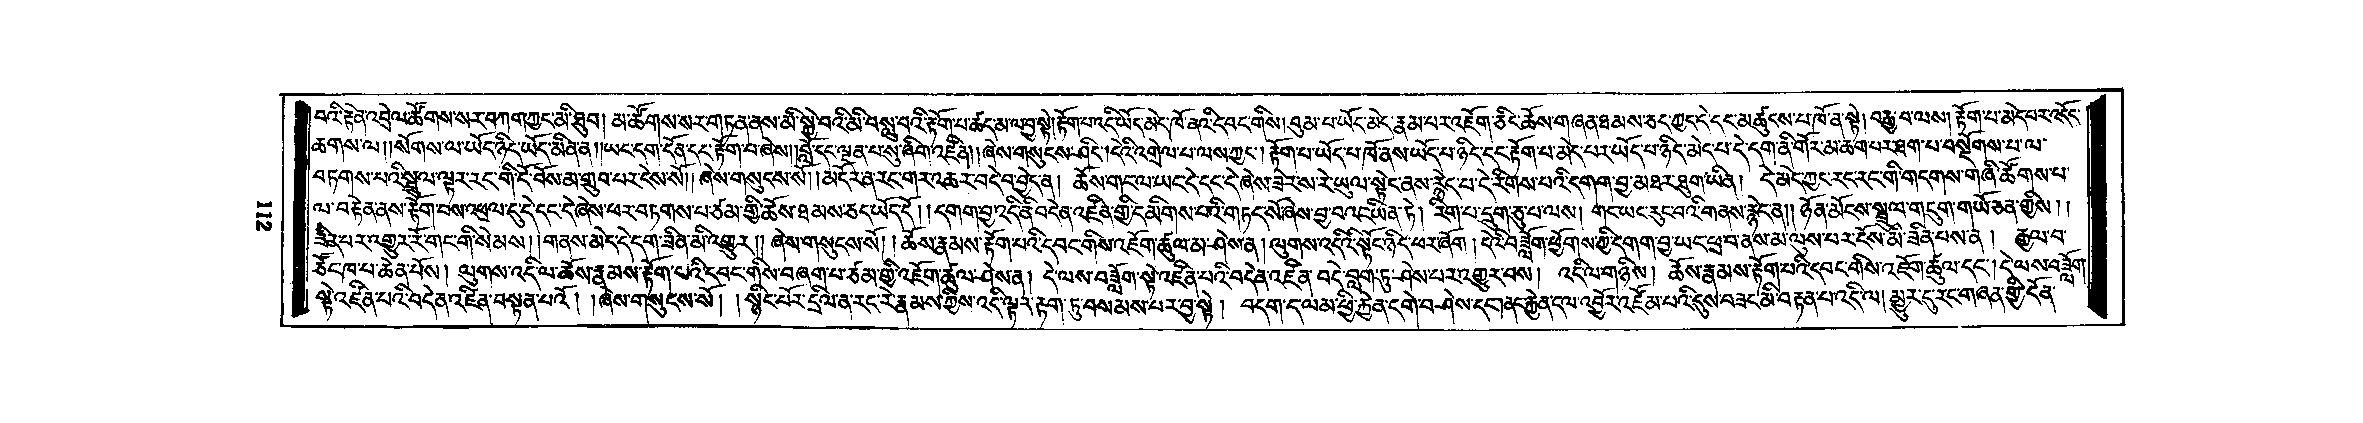བའི་རྟེན་འབྲེལ་ཚོགས་སར་བཀག་ཀྱང་མི་ཐུབ། མ་ཚོགས་སར་གཏན་ནས་མི་སྐྱེ་བའི་མི་བསླུ་བའི་རྟོག་པ་ཚད་མ་ལ་བྱ་སྟེ། རྟོག་པ་འདི་ཡོད་མེད་ཁོ་ནའི་དབང་གིས། བུམ་པ་ཡོད་མེད་རྣམ་པར་འཇོག་ཅིང་ཆོས་གཞན་ཐམས་ཅད་ཀྱང་དེ་དང་མཚུངས་པ་ཁོ་ན་སྟེ། བརྒྱ་བ་ལས། རྟོག་པ་མེད་པར་འདོད་
ཆགས་ལ། །སོགས་ལ་ཡོད་ཉིད་ཡོད་མིན་ན། །ཡང་དག་དོན་དང་རྟོག་པ་ཞེས། །བློ་དང་ལྡན་པ་སུ་ཞིག་འཛིན། །ཞེས་གསུངས་ཤིང་། དེའི་འགྲེལ་པ་ལས་ཀྱང་། རྟོག་པ་ཡོད་པ་ཁོ་ནས་ཡོད་པ་ཉིད་དང་རྟོག་པ་མེད་པར་ཡོད་པ་ཉིད་མེད་པ་དེ་དག་ནི་གོར་མ་ཆག་པར་ཐག་པ་བསྡོགས་པ་ལ་
བཏགས་པའི་སྦྲུལ་ལྟར་རང་གི་ངོ་བོས་མ་གྲུབ་པར་ངེས་སོ། །ཞེས་གསུངས་སོ། །མདོར་ན་རང་གར་འཆར་བདེ་བ་བྱེད་ན། ཆོས་གང་ལ་ཡང་དེ་དང་དེ་ཞེས་ཟེར་ས་རེ་ཡུལ་སྟེང་ནས་རྙེད་པ་དེ་རིགས་པའི་དགག་བྱ་མཐར་ཐུག་ཡིན། དེ་མེད་ཀྱང་རང་རང་གི་གདགས་གཞི་ཚོགས་པ་
ལ་བརྟེན་ནས་རྟོག་པས་འཕྲལ་དུ་དེ་དང་དེ་ཞེས་ཕར་བཏགས་པ་ཙམ་གྱི་ཆོས་ཐམས་ཅད་ཡོད་དོ། །དགག་བྱ་འདི་ནི་བདེན་འཛིན་གྱི་དམིགས་པའི་གཏད་སོ་ཞེས་བྱ་བའང་ཡིན་ཏེ། རིག་པ་དྲུག་ཅུ་པ་ལས། གང་ཡང་རུང་བའི་གནས་རྙེད་ན། །ཉོན་མོངས་སྦྲུལ་གདུག་གཡོ་ཅན་གྱིས། །
ཟིན་པར་འགྱུར་རོ་གང་གི་སེམས། །གནས་མེད་དེ་དག་ཟིན་མི་འགྱུར། །ཞེས་གསུངས་སོ། །ཆོས་རྣམས་རྟོག་པའི་དབང་གིས་འཇོག་ཚུལ་མ་ཤེས་ན། ལུགས་འདིའི་སྟོང་ཉིད་ཕར་ཞོག །དེའི་བཟློག་ཕྱོགས་ཀྱི་དགག་བྱ་ཡང་ཕྲ་བ་ནས་མ་ལུས་པར་ངོས་མི་ཟིན་པས་ན། རྒྱལ་བ་
ཙོང་ཁ་པ་ཆེན་པོས། ལུགས་འདི་ལ་ཆོས་རྣམས་རྟོག་པའི་དབང་གིས་བཞག་པ་ཙམ་གྱི་འཇོག་ཚུལ་ཤེས་ན། དེ་ལས་བཟློག་སྟེ་འཛིན་པའི་བདེན་འཛིན་བདེ་བླག་ཏུ་ཤེས་པར་འགྱུར་བས། འདི་ལ་གཉིས། ཆོས་རྣམས་རྟོག་པའི་དབང་གིས་འཇོག་ཚུལ་དང་། དེ་ལས་བཟློག་
སྟེ་འཛིན་པའི་བདེན་འཛིན་བསྟན་པའོ། །ཞེས་གསུངས་སོ། །སྙིང་པོར་དྲིལ་ན་རང་རེ་རྣམས་ཀྱིས་འདི་ལྟར་རྟག་ཏུ་བསམས་པར་བྱ་སྟེ། བདག་ད་ལམ་ཕྱི་རྐྱེན་དགེ་བཤེས་དང་། ནང་རྐྱེན་དལ་འབྱོར་འཛོམ་པའི་དུས་བཟང་མི་བརྟན་པ་འདི་ལ། མྱུར་དུ་རང་གཞན་གྱི་དོན་